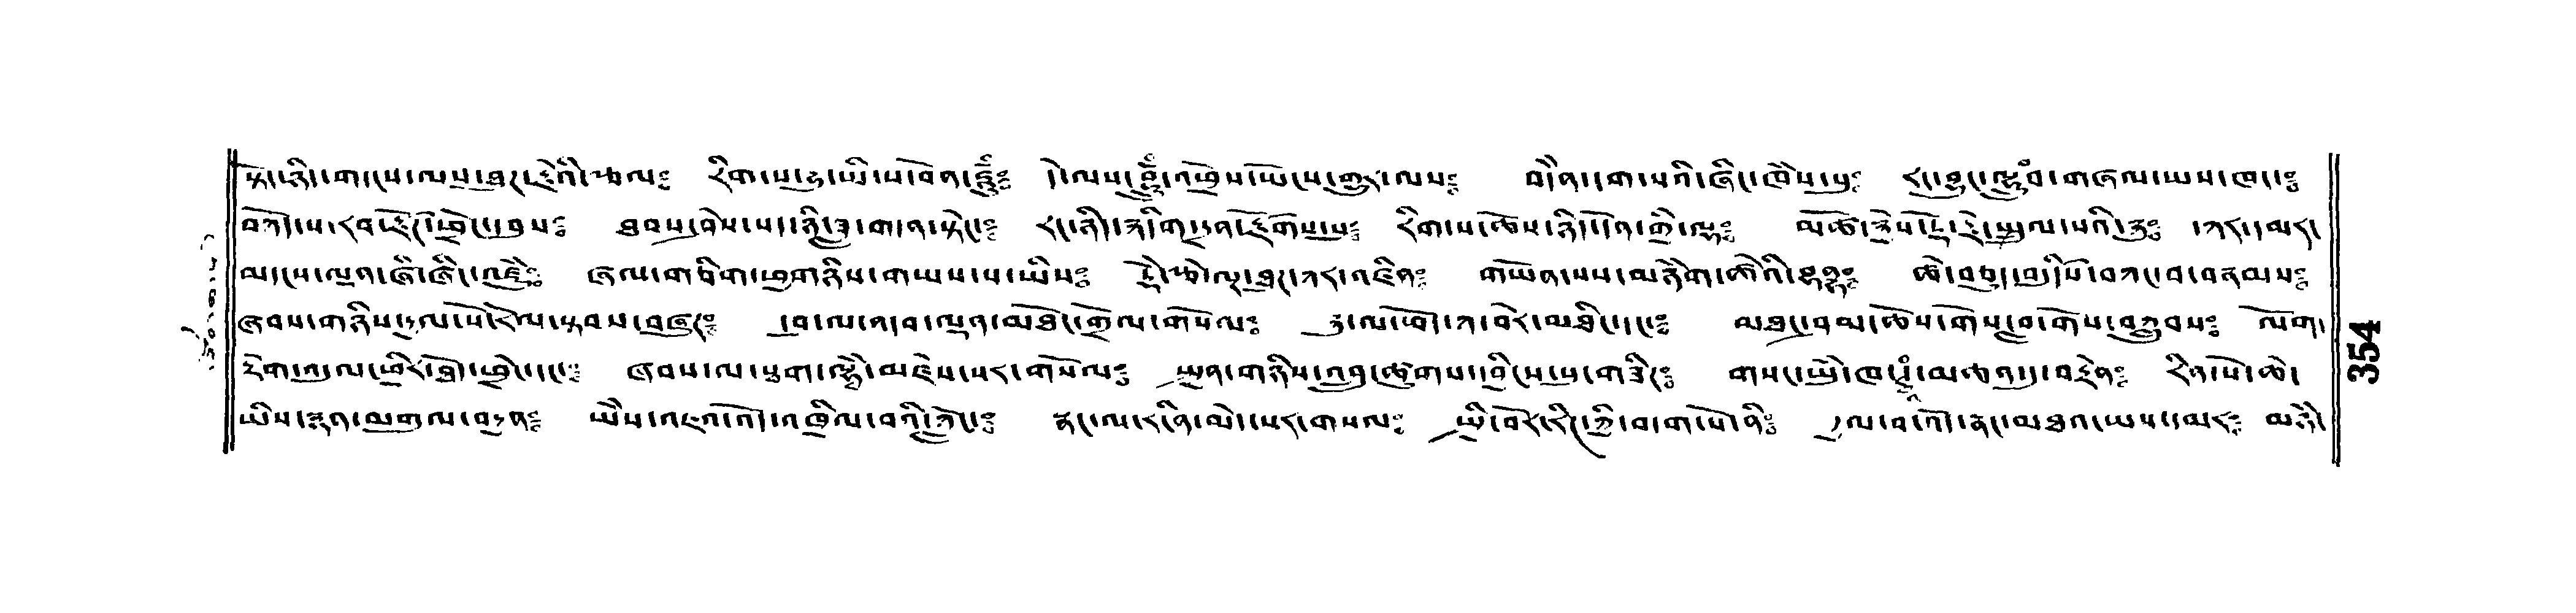སྟོང་ཉིད་གདངས་ལས་ཐུགས་རྗེའི་རྩལ༔ རིག་པ་རྒྱུ་ཡི་ས་བོན་ཧཱུྃ༔ དེ་ལས་བྷྲཱུྃ་འཕྲོས་ཡོངས་གྱུར་ལས༔ བདེ་ཆེན་དག་པའི་ཞིང་ཁམས་སུ༔ རང་བྱུང་ལྷུན་གྲུབ་གཞལ་ཡས་ཁང༔ 
བཀོད་པ་རབ་རྫོགས་ཕོ་བྲང་དབུས༔ ཐབས་ཤེས་པད་ཉི་ཟླ་གདན་སྟེང༔ རང་ཉིད་སྐད་ཅིག་དྲན་རྫོགས་སུ༔ རིག་པ་ཆོས་ཉིད་དོན་གྱི་ལྷ༔ མཚོ་སྐྱེད་རྡོ་རྗེ་སྤྲུལ་པའི་སྐུ༔ དཀར་དམར་
མདངས་ལྡན་ཞི་ཞིང་འཛུམ༔ ཞལ་གཅིག་ཕྱག་གཉིས་གཡས་པ་ཡིས༔ རྡོ་རྗེ་རྩེ་ལྔ་ཐུགས་ཀར་འཛིན༔གཡོན་པས་མཉམ་དག་ཚེའི་བྷནྡྷ༔ ཚེ་བཅུད་བདུད་རྩིས་བཀང་བ་བསྣམས༔ 
ཞབས་གཉིས་རྒྱལ་པོ་རོལ་སྟབས་བཞུགས༔ དབུ་ལ་འདབ་ལྡན་མཐོང་གྲོལ་གསོལ༔ སྐུ་ལ་ཕོད་ཀ་བེར་མཐིང་དང༔ མཐང་ཤམ་ཆོས་དགོས་བླ་གོས་བཀླུབས༔ ལོག་
རྟོག་འདུལ་ཕྱིར་ཐོད་ཕྲེང་དང༔ ཞབས་ལ་སྭག་ལྷྭམ་མཛེས་པར་གསོལ༔ སྤྱན་གཉིས་འབྲུ་ཚུགས་དབྱིངས་སུ་གཟིགས༔ གསང་ཡུམ་ཁ་ཊྭཱཾ་མཆན་དུ་བརྟེན༔ རིན་པོ་ཆེ་
ཡིས་སྙན་མགུལ་བརྒྱན༔ ཡེ་ཤེས་འཇའ་འོད་འཁྱིལ་བའི་ཀློང༔ སྣང་ལ་རང་བཞིན་མེད་པར་གསལ༔ སྤྱི་བོར་རིགས་ཀྱི་བདག་པོ་ནི༔ རྒྱལ་བ་འོད་སྣང་མཐའ་ཡས་དམར༔ མཉམ་